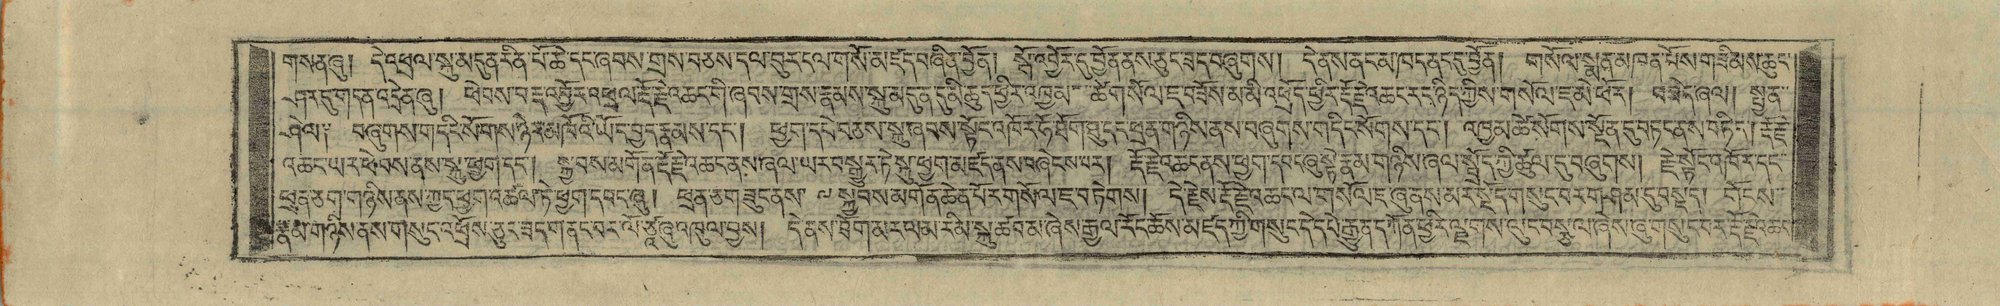གསན་ཞུ། དེ་འཕྲལ་སྐུ་མདུན་རིན་པོ་ཆེ་དང་ཞབས་གྲས་བཅས་དལ་བུར་ངལ་གསོ་མཛད་བཞིན་བྱོན། སྒོ་འབྱོར་དུ་བྱོན་ནས་ཅུང་ཟད་བཞུགས། དེ་ནས་ནང་མ་ཁང་ནང་དུ་བྱོན། གསོལ་སྨན་མཁན་པོས་གཟིམས་ཆུང་
ཤར་དུ་གདན་འདྲེན་ཞུ། ཕེབས་བརྡ་འབྱོར་འཕྲལ་རྡོ་རྗེ་འཆང་གི་ཞབས་གྲས་རྣམས་སྐུ་མདུན་དུ་མི་ཆུད་ཕྱིར་འཁྱམ་ཚེ་གསོལ་ཇ་བཟོས་མ་མི་འཕྲོད་ཕྱིར་རྡོ་རྗེ་འཆང་རང་ཉིད་ཀྱིས་གསོལ་ཇ་མེ་ཕོར། བཟེད་ཞལ། སྤྱན་
ཤེལ༑ བཞུགས་གདིང་?་སོགས་ཉེར་མཁོའི་ཡོང་བྱད་རྣམས་དང་། ཕྱག་དཔེ་བཅས་སྐུ་ཞབས་སྟོང་འཁོར་ཧོ་ཐོག་ཐུ་དང་ཕྲན་གཉིས་ནས་བཞུགས་གདིང་སོགས་དང་། འཁྱམ་ཚེ་སོགས་སྔོན་དུ་བཏང་ནས་བཏིང་། རྡོ་རྗེ་
འཆང་ཡར་ཕེབས་ནས་སྐུ་ཕྱག་དང་། སྐྱབས་མགོན་རྡོ་རྗེ་འཆང་ནས་ཞལ་ཡར་བསྒྱུར་ཏེ་སྐུ་ཕྱག་མཛད་ནས་བཞེངས་པར། རྡོ་རྗེ་འཆང་ནས་ཕྱག་དབང་ཞུ་སྟེ་རྣམ་གཉིས་ཞལ་སྤྲོད་ཀྱི་ཚུལ་དུ་བཞུགས། རྗེ་སྟོང་འཁོར་དང་
ཕྲན་ཅག་གཉིས་ནས་ཀྱང་ཕྱག་འཚལ་ཏེ་ཕྱག་དབང་ཞུ། ཕྲན་ཅག་ཟུང་ནས་༧སྐྱབས་མགོན་ཆེན་པོར་གསོལ་ཇ་བཏེགས། དེ་རྗེས་རྡོ་རྗེ་འཆང་ལ་གསོལ་ཇ་ཞུ་ནས་མར་སྡོད་གསུང་བར་གཤམ་དུ་བསྡད། གོང་ས་
རྣམ་གཉིས་ནས་གསུང་འཕྲོས་ཅུང་ཟད་གནང་བར་ལོ་ཙཱ་ཞུ་འཁུལ་བྱས། དེ་ནས་ཐོག་མར་ལམ་རིམ་སྐུ་ཚབ་མ་ཞེས་རྒྱལ་རོང་ཆོས་མཛད་ཀྱི་གསུང་དེ་དཔེ་རྒྱུན་དཀོན་ཕྱིར་ལྗགས་ལུང་བསྩལ་ཞེས་ཞུ་གསུང་བར་རྡོ་རྗེ་འཆང་